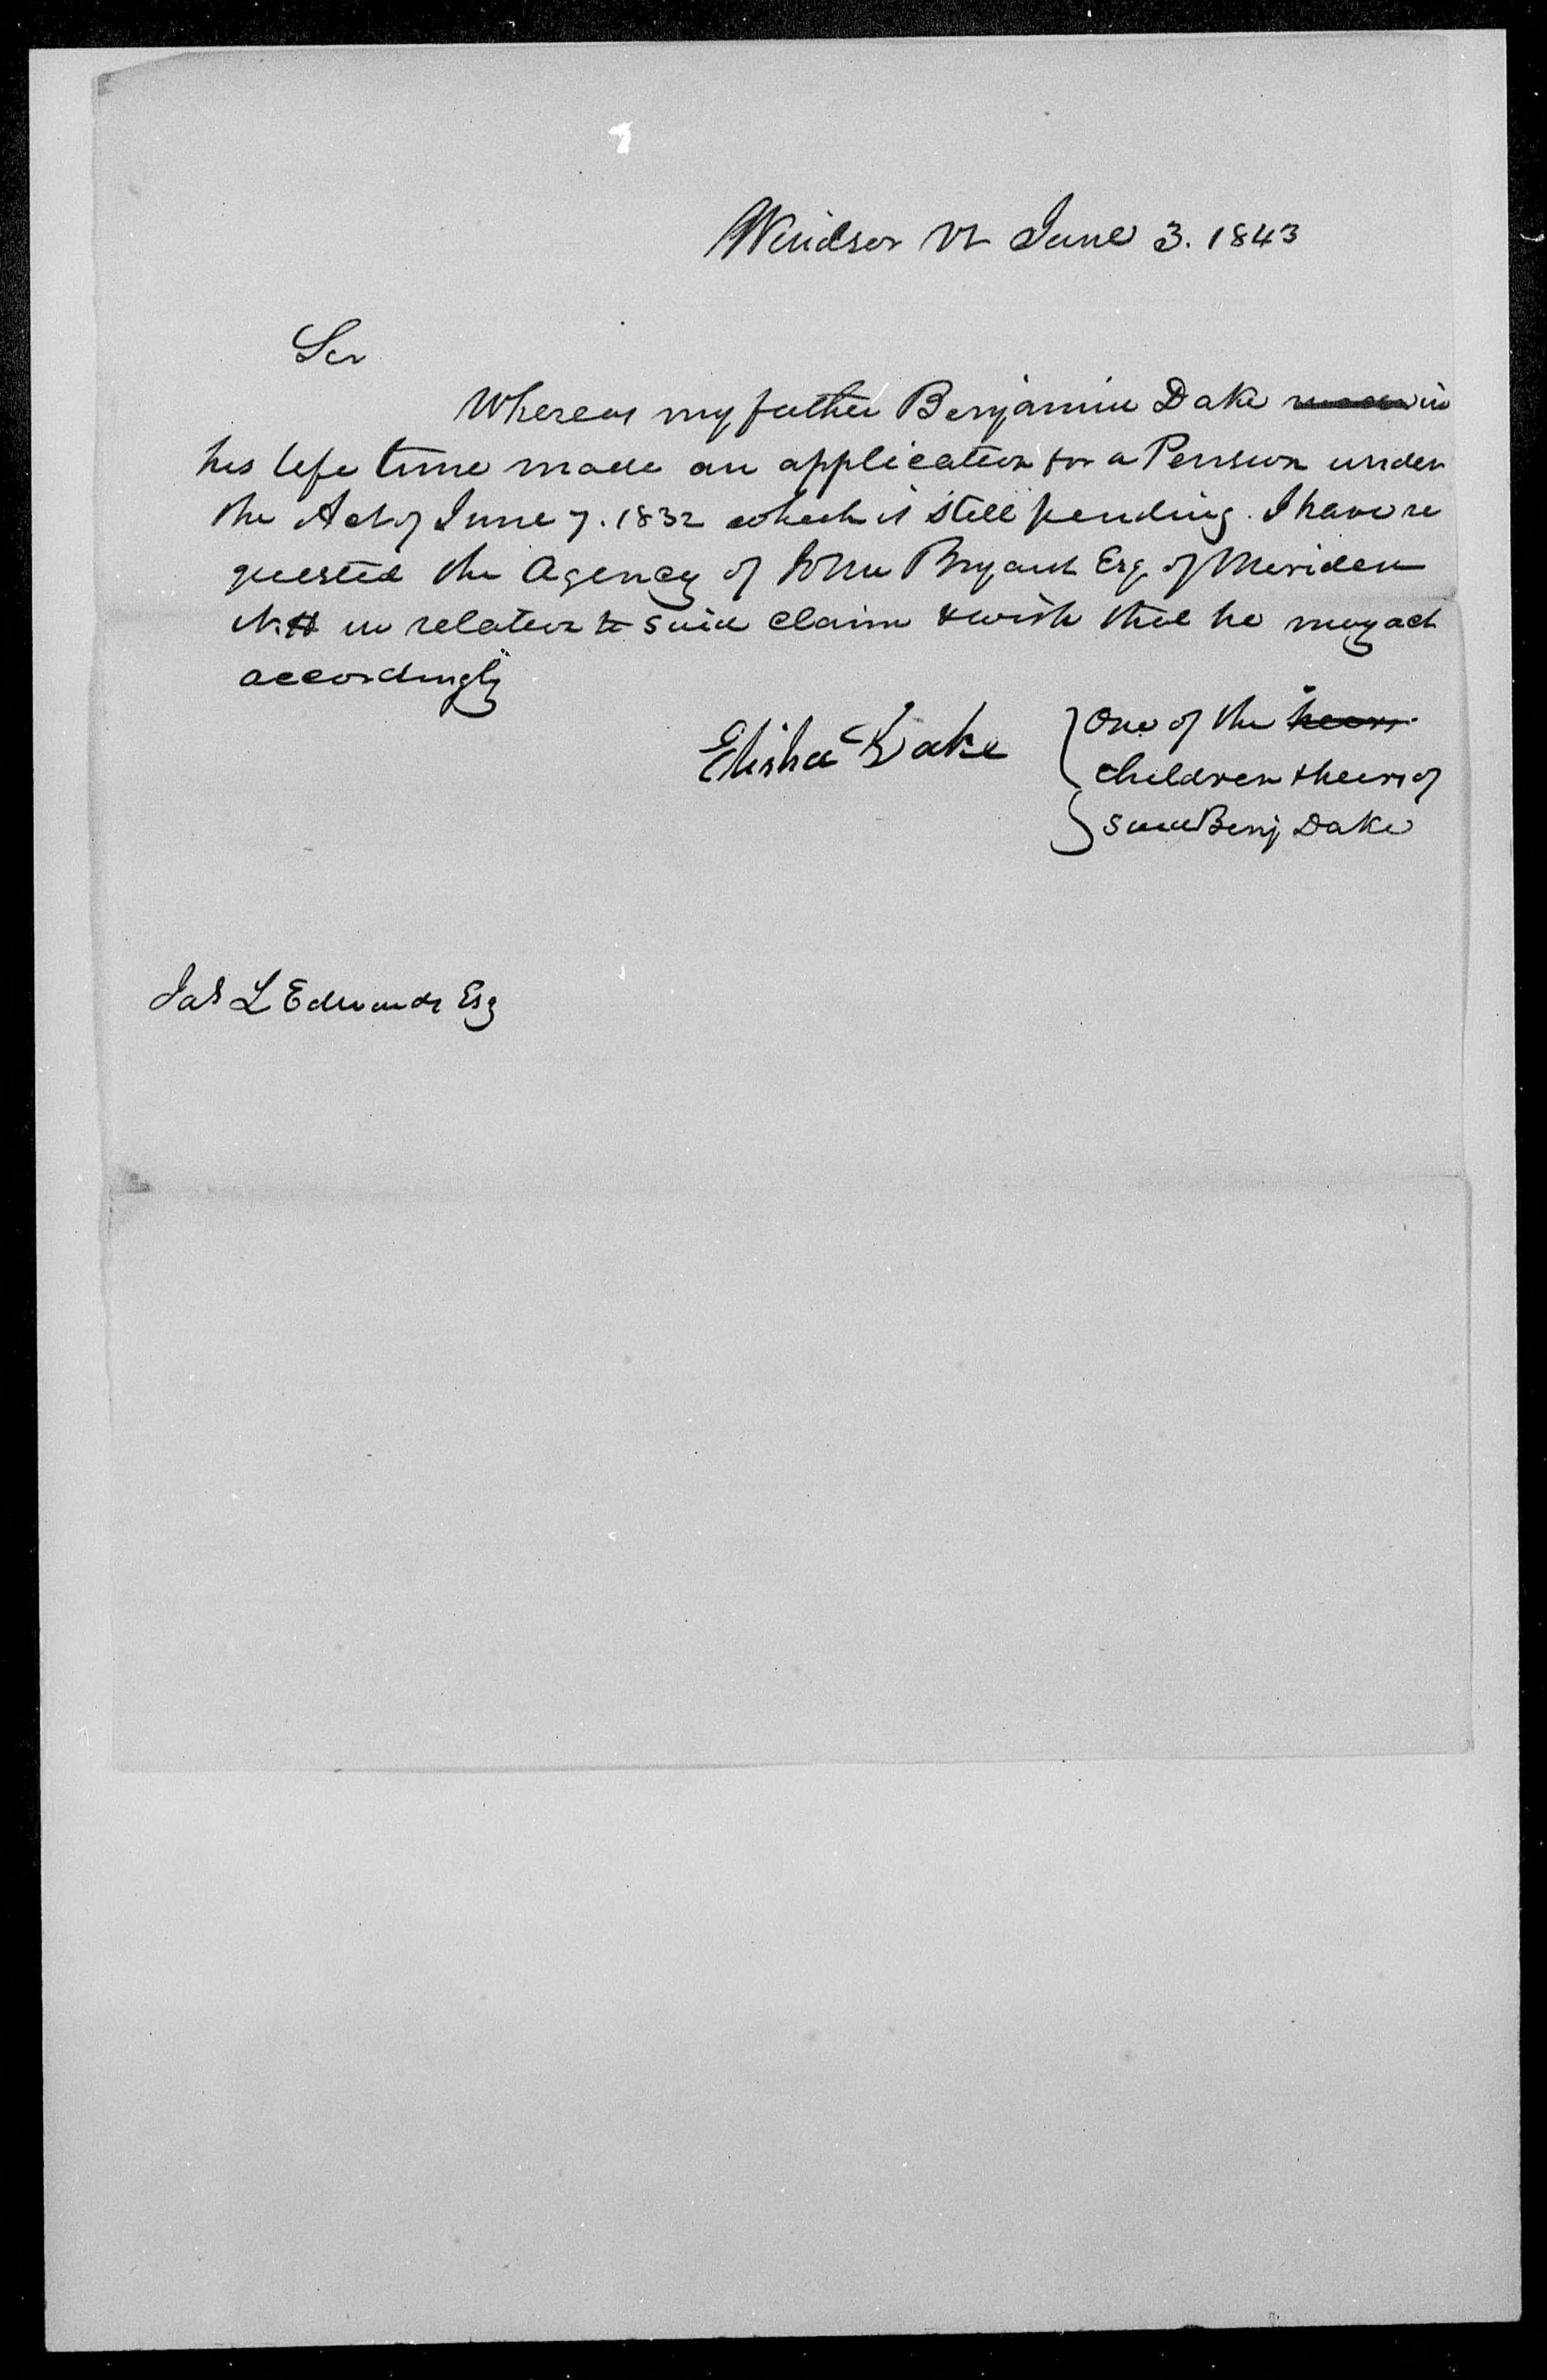Windsor VT June 3 1843 Sir Whereas my father Benjamin Dake in his lifetime made an application for a pension under the Act of June 7 1832 which is still pending I have requested the Agency of John Bryant Esq of Meriden NH in relation to said claim & with that he may act accordingly. Elisha Dake One of the children thereof said Benj Dake
Jas L Edwards Esq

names: Elisha Dake, John Bryant, Jas L Edwards, Benj Dake, Benjamin Dake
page: 22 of 42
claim: rejected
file: R. 2,625, Benjamin Dake, R.I.